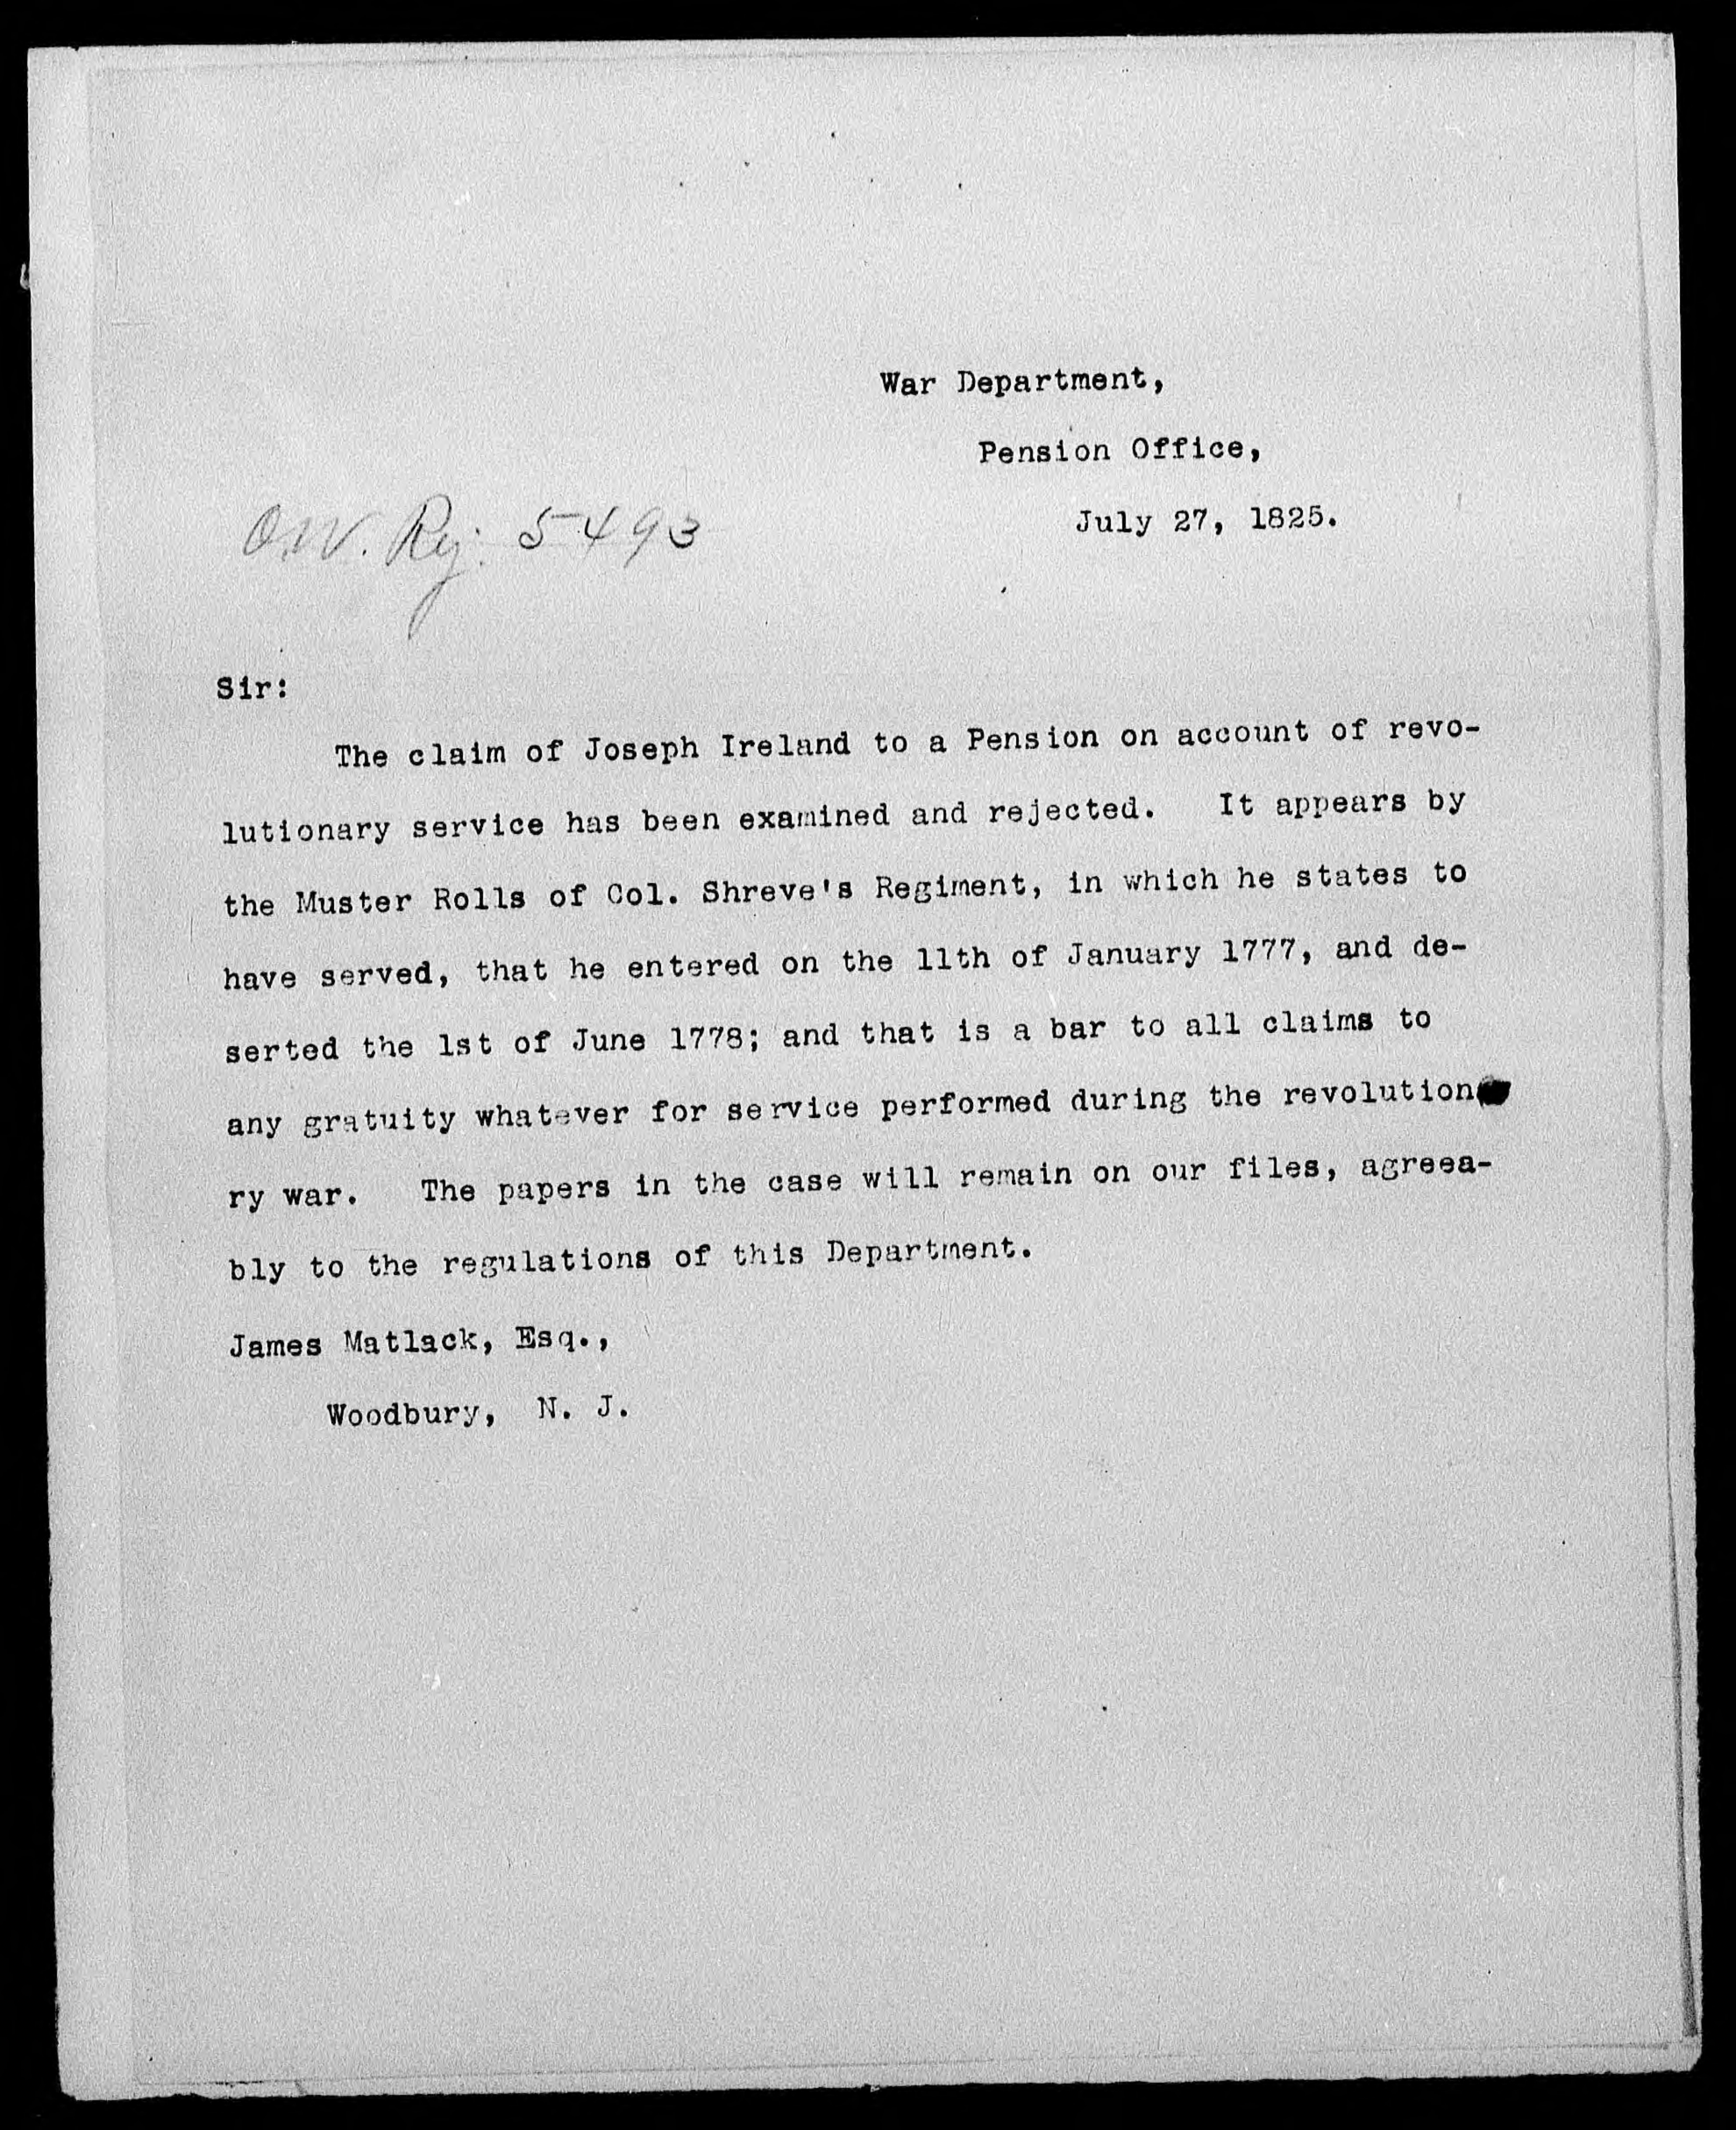War Department
Pension Office
July 27, 1825.
OW.Ry 5493

Sir:
The claim of Joseph Ireland to a Pension on account of revolutionary service has been examined and rejected. It appears by the Muster Rolls of Col. Shreve's Regiment, in which he states to have served, that he entered on the 11th of January 1777, and deserted the 1st of June 1778; and that is a bar to all claims to any gratuity whatever for service performed during the revolutionary war.  The papers in the case will remain on our files, ageeably to the regulations of the Department.
James Matlack, Esq.,
Woodbury, N.J.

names: James Matlack; Joseph Ireland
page: 5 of 6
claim: rejected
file: R. 5493, for Joseph Ireland, New Jersey